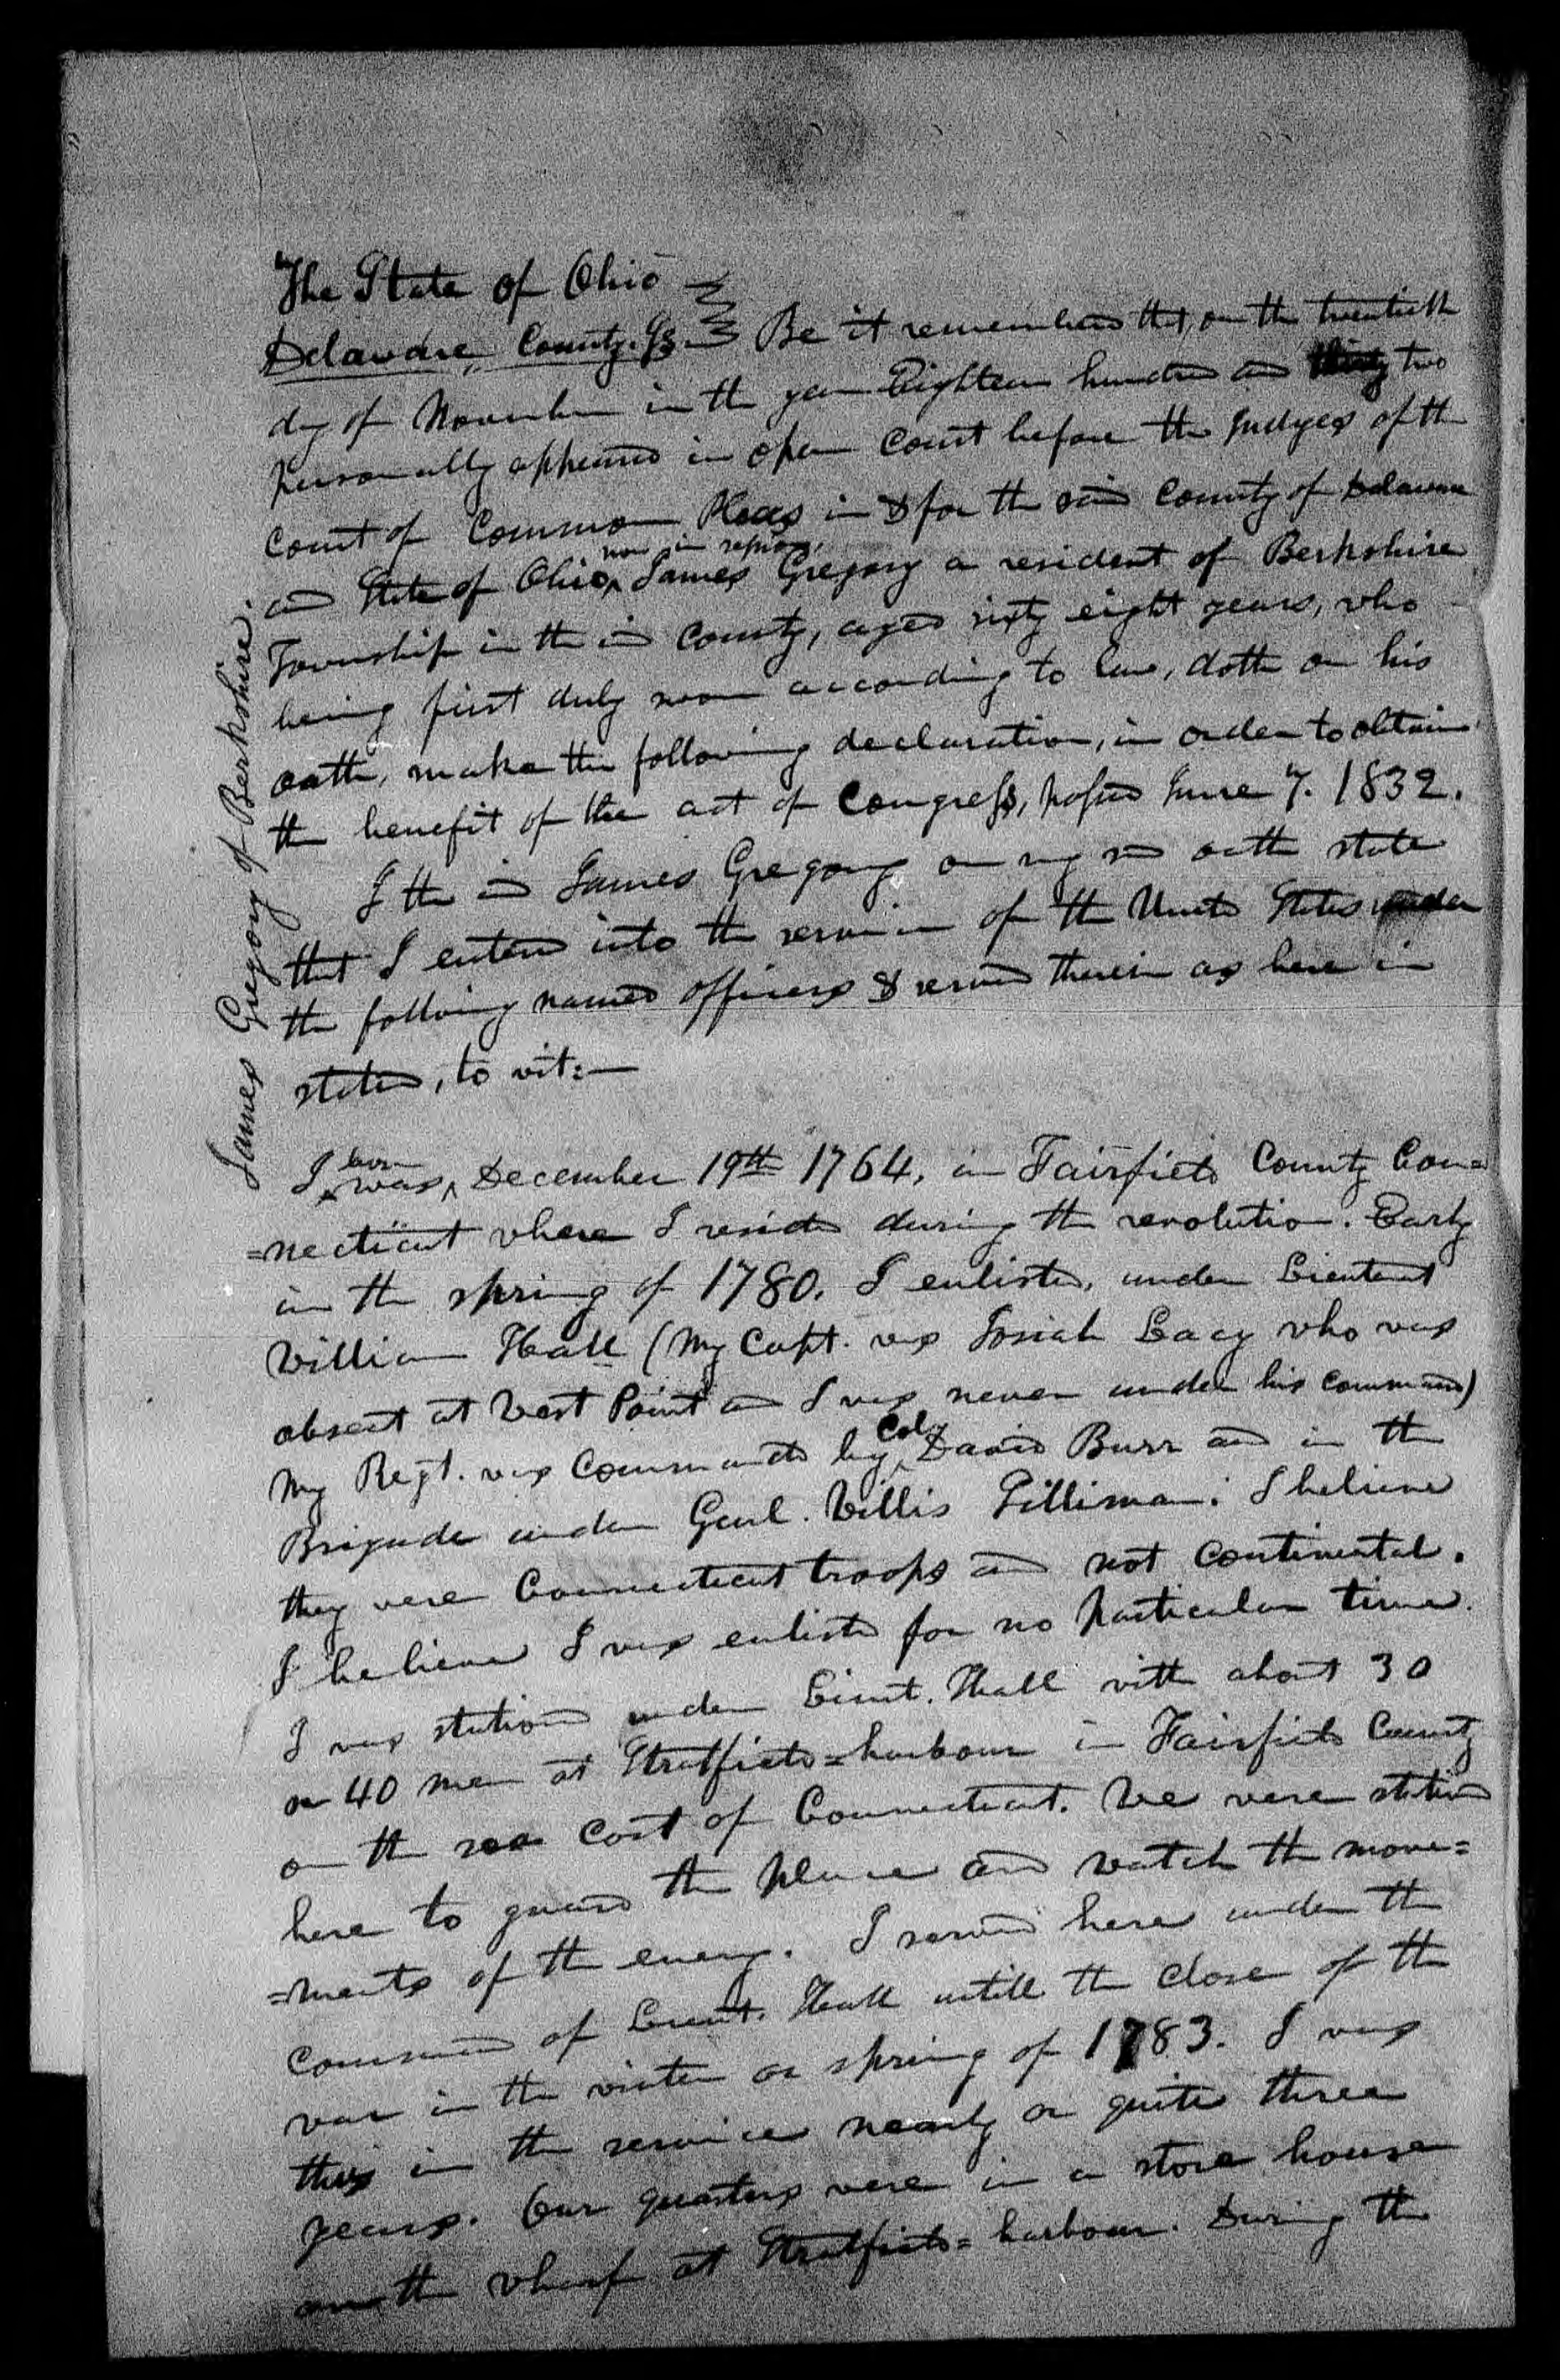The State of Ohio}
Delaware County Ss}

Be it remembered that on the twentieth day of November in the ear Eighteen hundred and thirty two personally appeared in open court before the Judges of the Court of Common Pleas in & for the said county of Delaware in State of Ohio now in repose James Gregory a resident of Berkshire Township in the said county, aged sixty eight years, who being first duly sworn according to law, doth on his oath, make the following declaration, in order to obtain the benefit of the Act of Congress, passed June 7, 1832.
I the said James Gregory on my ?? oath state that I entered into the service of the United States under the following named officers and served therein as here in states, to wit:
I was born December 19th in Fairfield County Connecticut where is resided during the revolution. Early in the Spring of 1780, I enlisted under Lieutenant William Hall (my Capt. was Josiah Lacy who was absent at West Point and I ?? never under his command. My Regt, was Commanded by Col. Davis Burr and in the Brigade under Genl. Willis Gilliman. I believe they were Connecticut troops and not Continental. I believe I was enlisted for no particular time. I was stationed under Lieut. Hall with about 30 or 40 men at Stratfield harbour in Fairfield County on the sea coast of Connecticut. We were stationed her to guard the place and watch the movements of the enemy. I remained here under the command of Lieut. Hall until the close of the war in the winter or spring of 1783. I was thus in the service nearly or quite three years. Our quarters were in a store house and the wharf at Starfield harbour. During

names: James Gregory, David Burr, William Hall, Hall, Willis Gilliman, Hall, James Gregory, Josiah Lacy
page: 4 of 27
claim: survivor's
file: S. 17445, James Gregory, Conn.